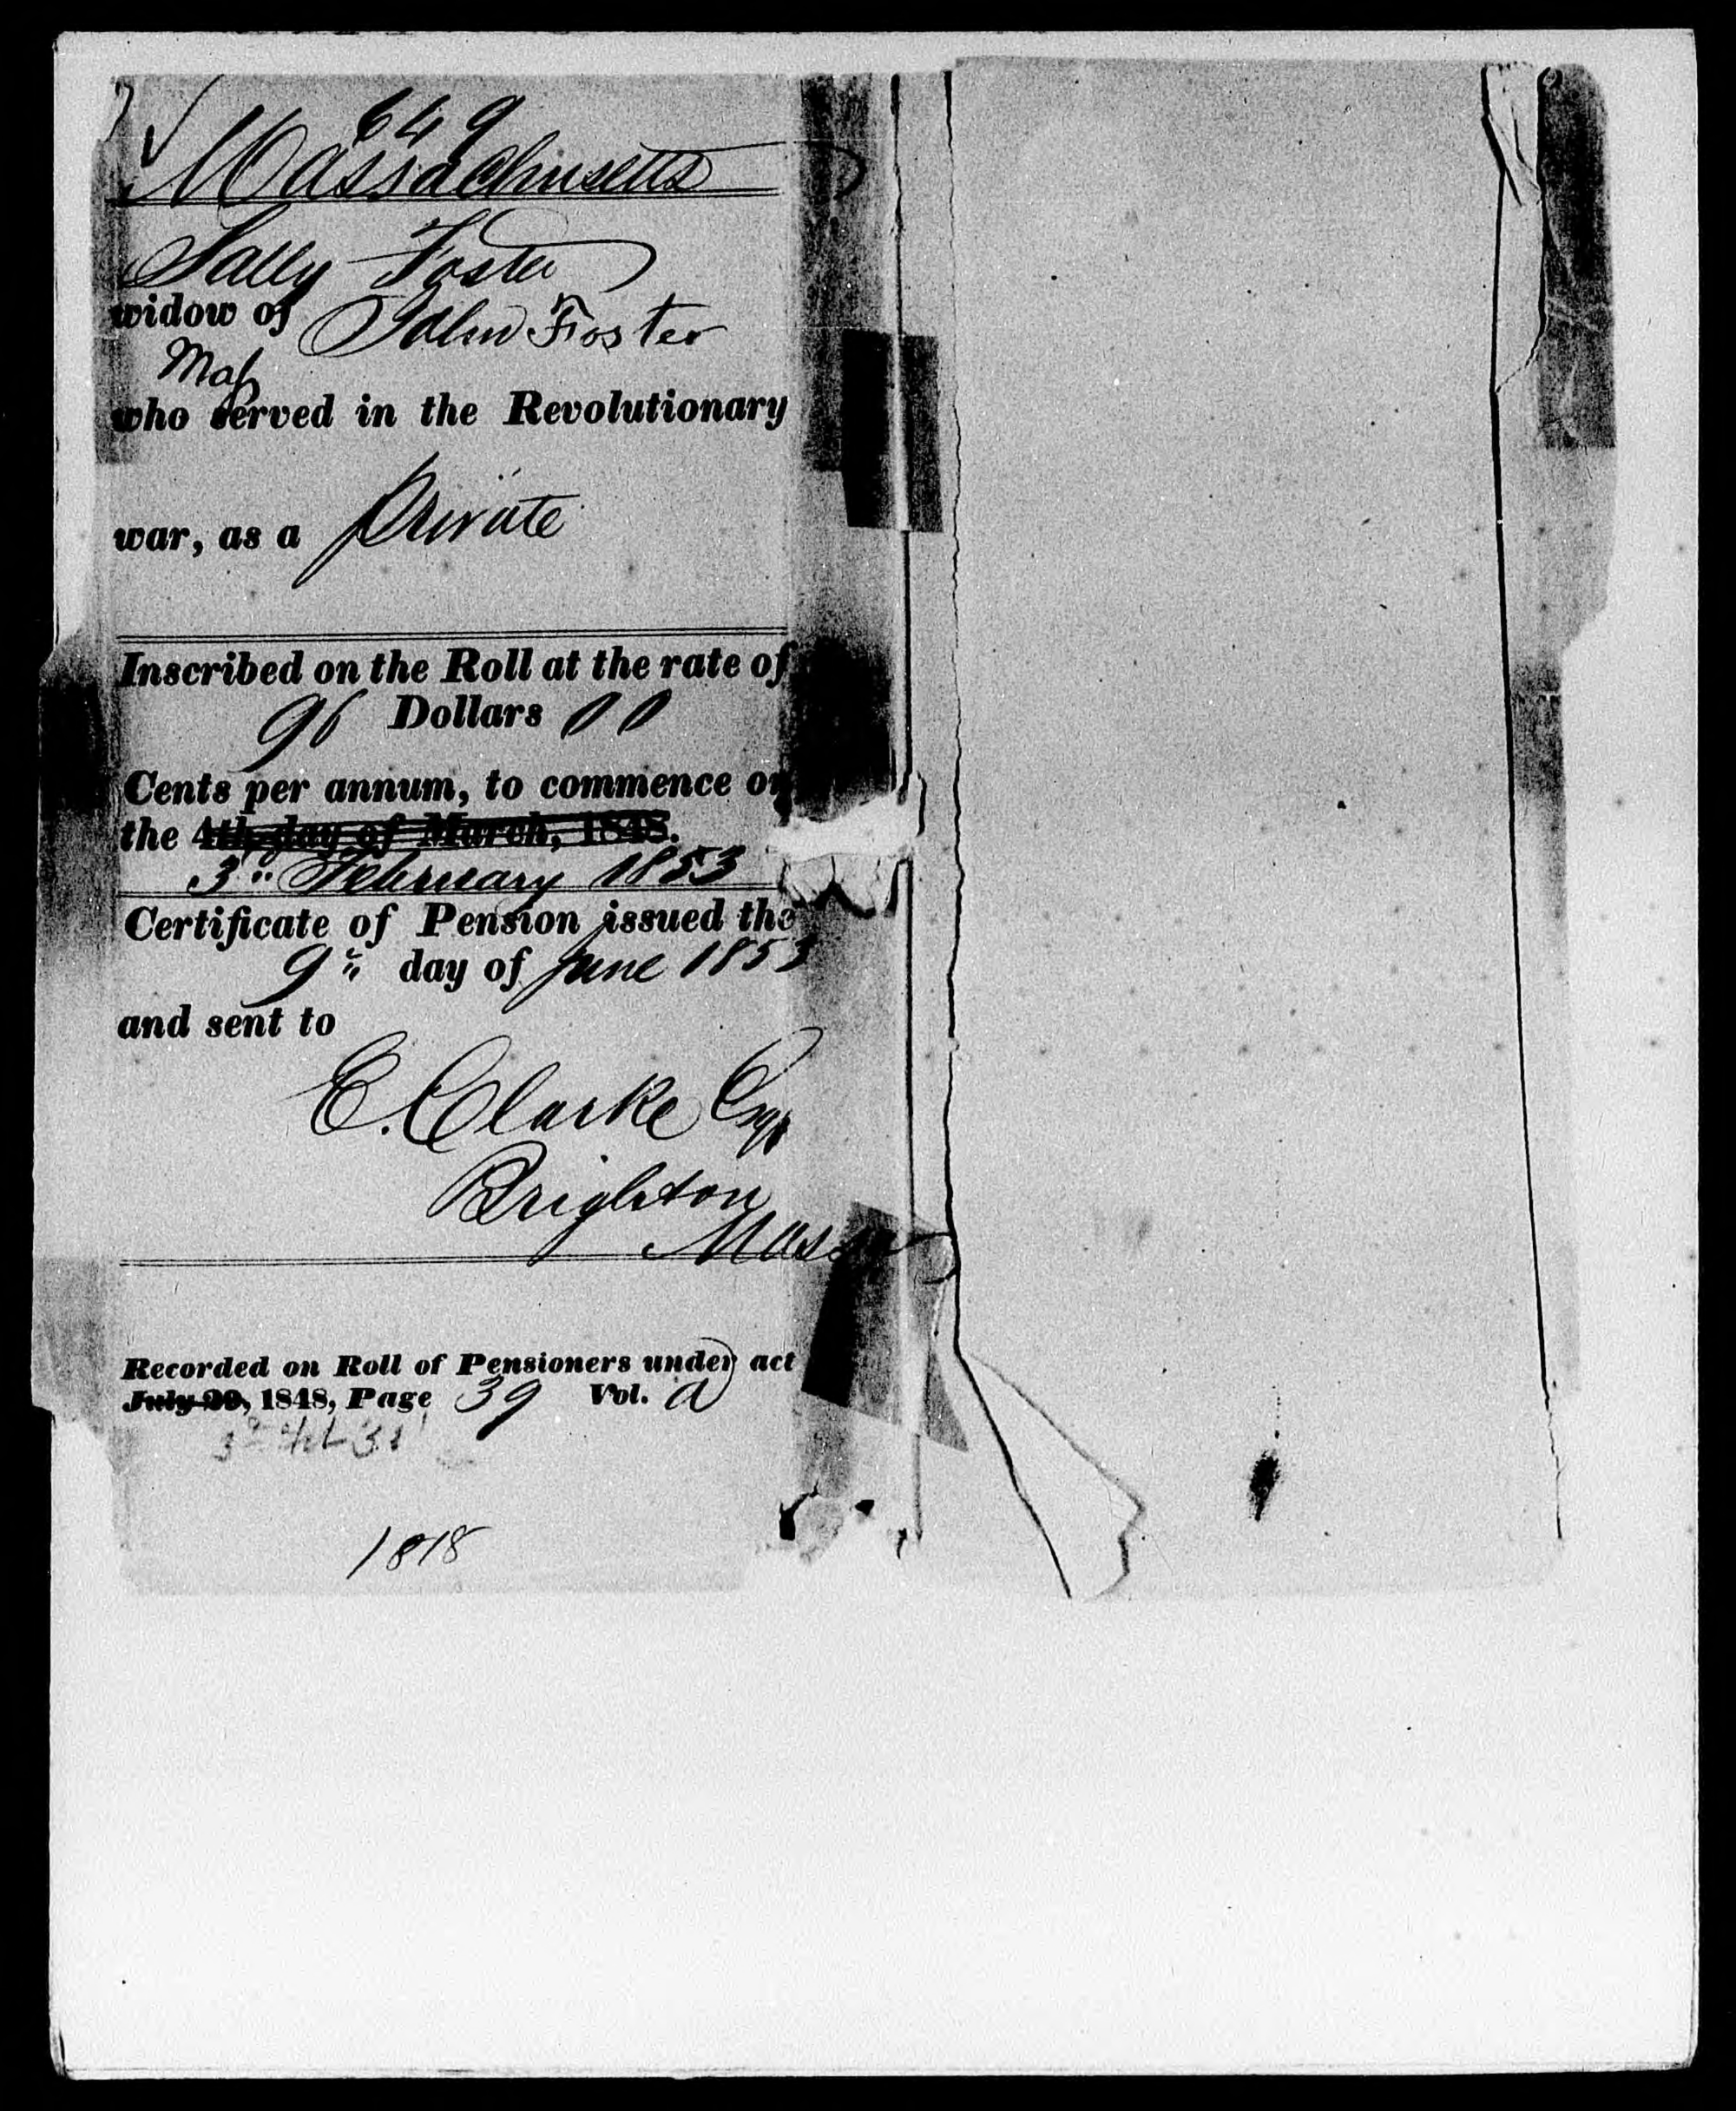649 
Massachusetts
Sally Foster widow of John Foster Mass who served in the Revolutionary war, as a private
Inscribed on the Roll at the rate of 96 Dollars 
00 Cents per annum, to commence on the 3d February 1853 ["4th day of March, 1848" crossed out]
Certificate of Pension issued the 9th day of June 1853 and sent to E. Clarke Esqr
Brighton Mass
Recorded on Roll of Pensioners under act ["July 29" crossed out] 3d Feb 32, Page 39 Vol. A
1818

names: John Foster, E Clarke, Sally Foster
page: 3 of 47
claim: widow's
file: W. 7,302, John Foster, Continental Mass. R.I.